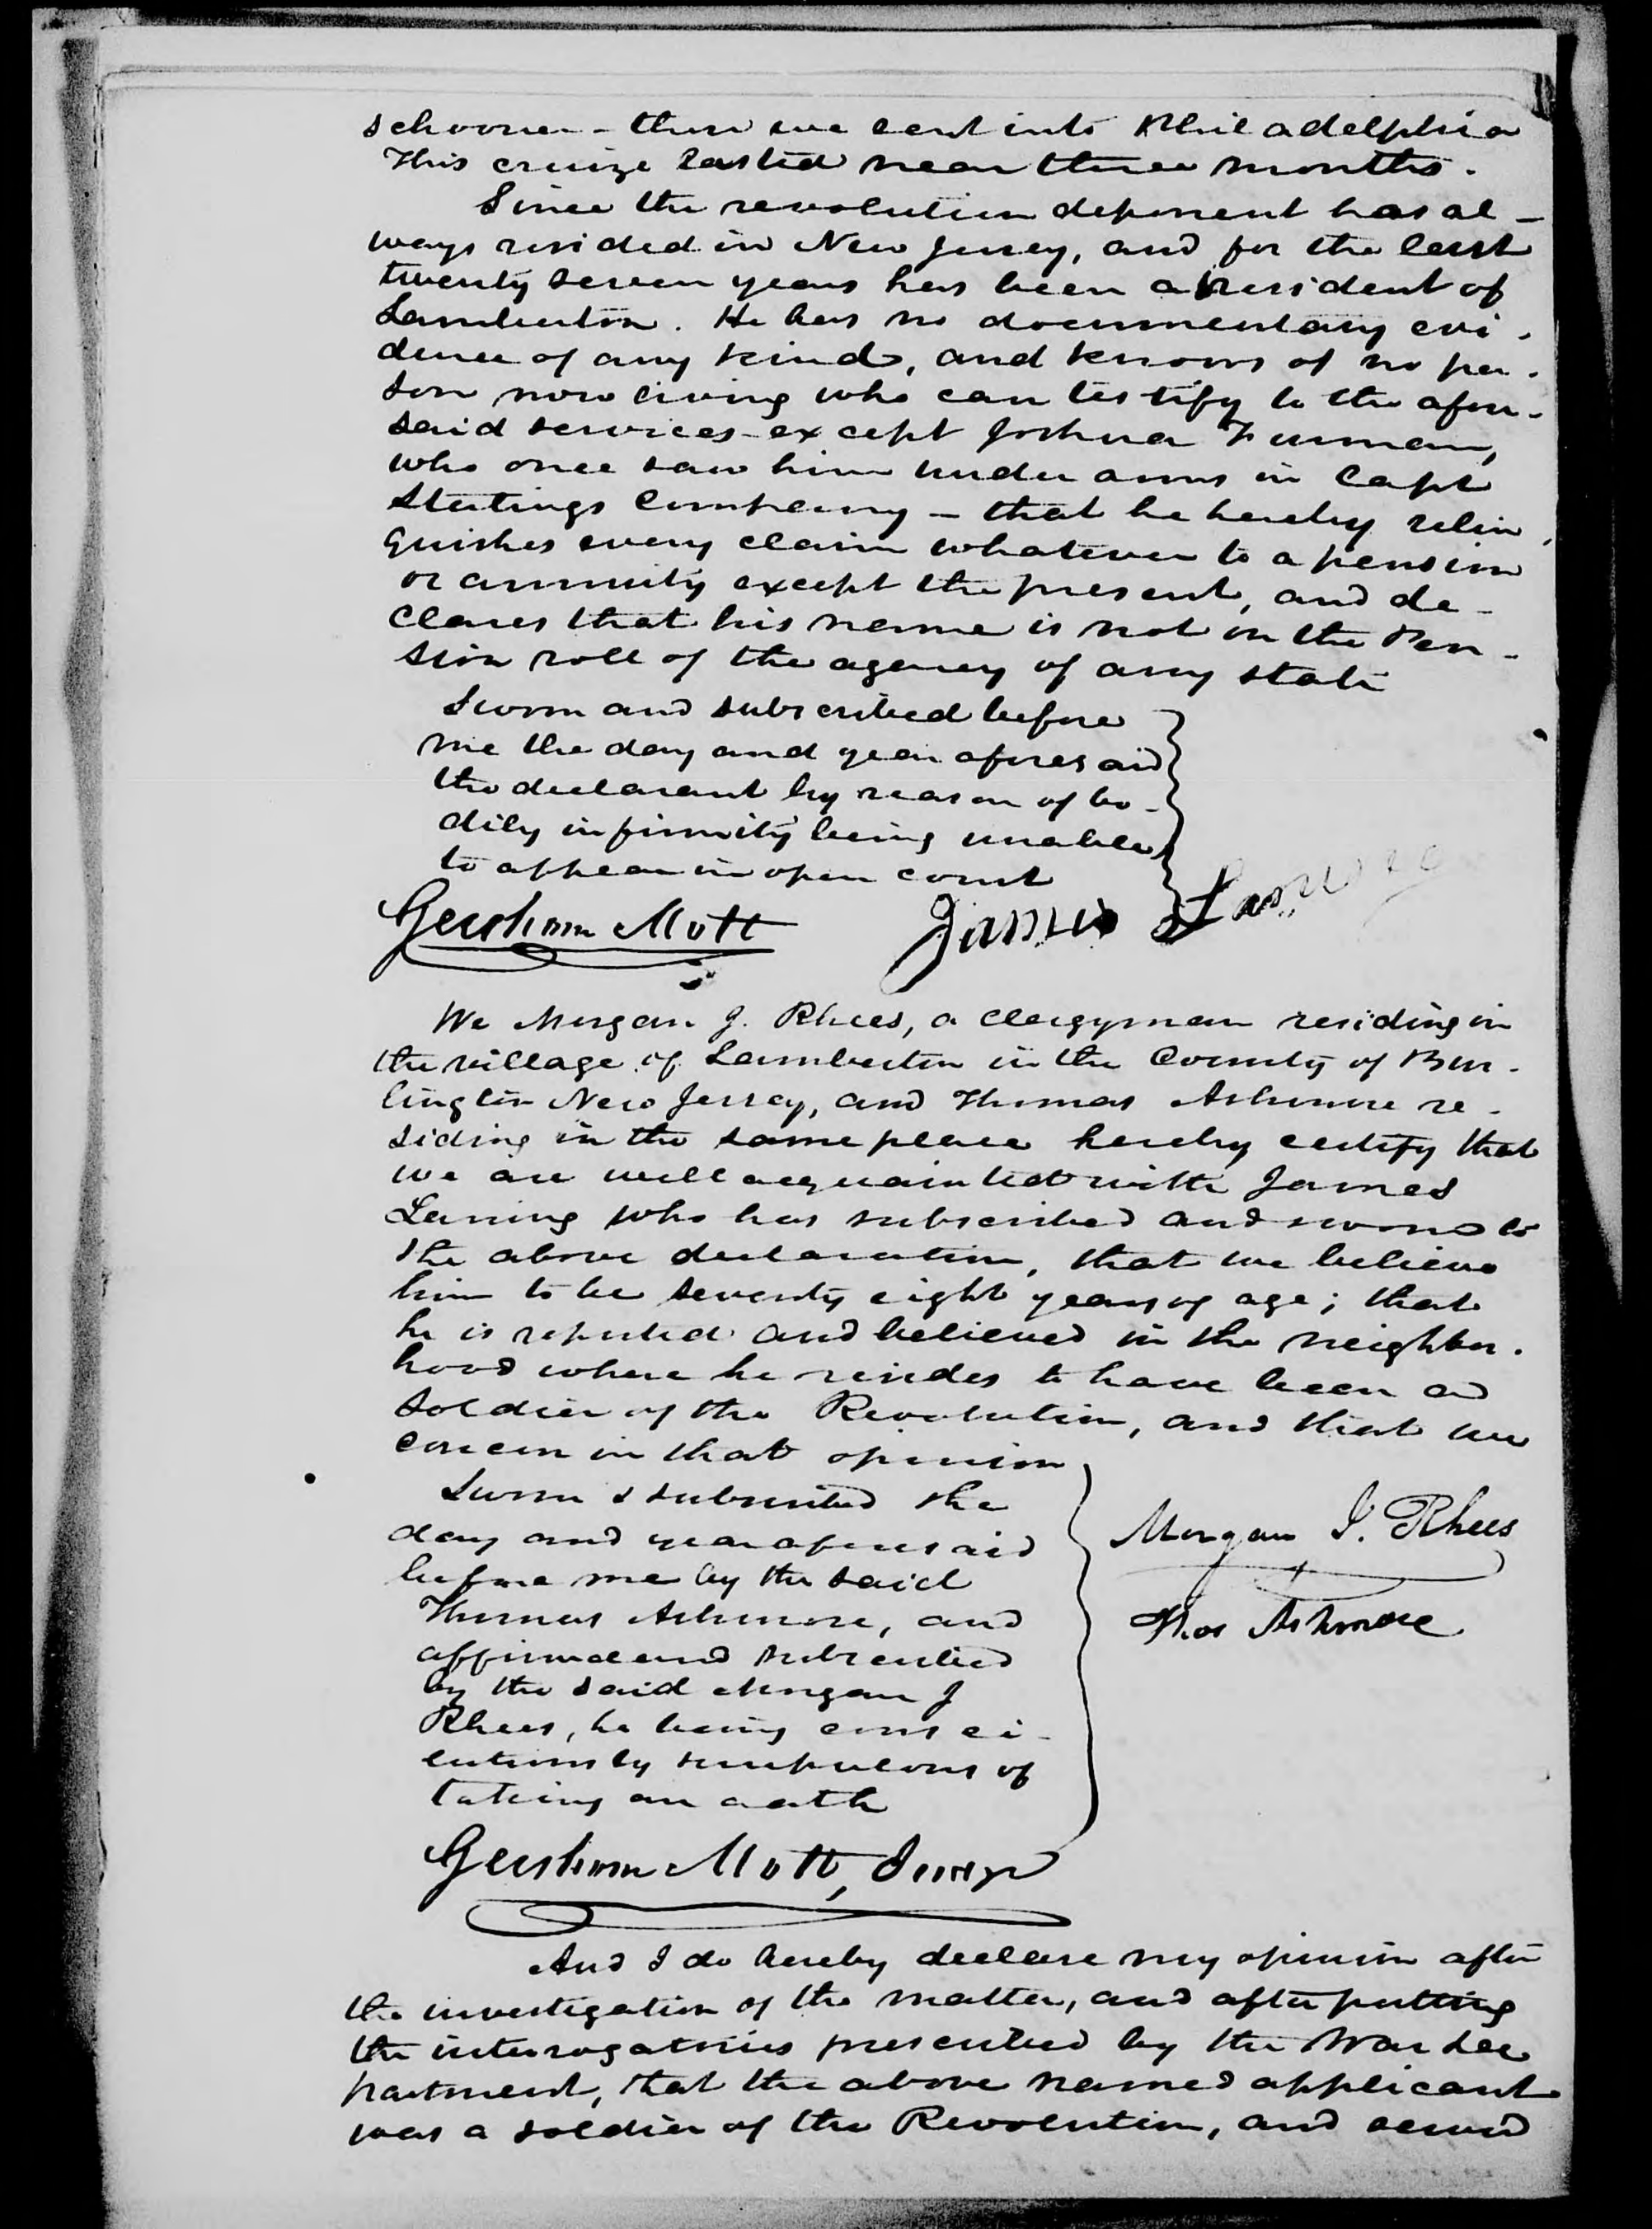Schooner _ these we sent into Philadelphia
This cruize lasted near three months.
Since the revolution deponent has always resided in New Jersey, and for the last twenty seven years has been a resident of Lamberton. He has no documentary evidence of any kind, and knows of no person now living who can testify to the aforesaid services, except Joshua Furman, who once saw him under arms in Capt Sterlings Company _ that he hereby relinquishes every claim whatever to a pension or annuity except the present, and declares that his name is not in the Pension roll of the agency of any state
James Laning
Sworn and subscribed before}
me the day and year aforesaid}
the declarant by reason of bodily}
infirmity being unable}
to appear in open court}
Gersham Mott}

We Morgan J. Rhees, a clergyman residing in the village of Lamberton in the County of Burlington New Jersey, and Thomas Ashmore residing in the same place hereby certify that we are well acquainted with James Laning who has subscribed and sworn to the above declaration, that we believe him to be seventy eight years of age; that he is reputed and believed in the neighborhood where he resides to have been a soldier of the Revolution, and that we concur in that opinion
Morgan J. Rhees
Thos Ashmore

Sworn & subscribed the}
day and year aforesaid}
before me by the said}
Thomas Ashmore, and}
affirmed and subscribed}
by the said Morgan J.}
Rhees, he being conscientiously}
{illegible} of }
taking an oath}
Gersham Mott, Judge

And I do hereby declare my opinion after the investigation of the matter, and after putting the interrogatories presented by the War Department, that the above named applicant was a soldier of the Revolution, and served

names: Thomas Ashmore; Gersham Mott; James Laning; Joshua Furman; Morgan J Rhees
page: 36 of 39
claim: rejected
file: R. 6154, for James Laning, New Jersey